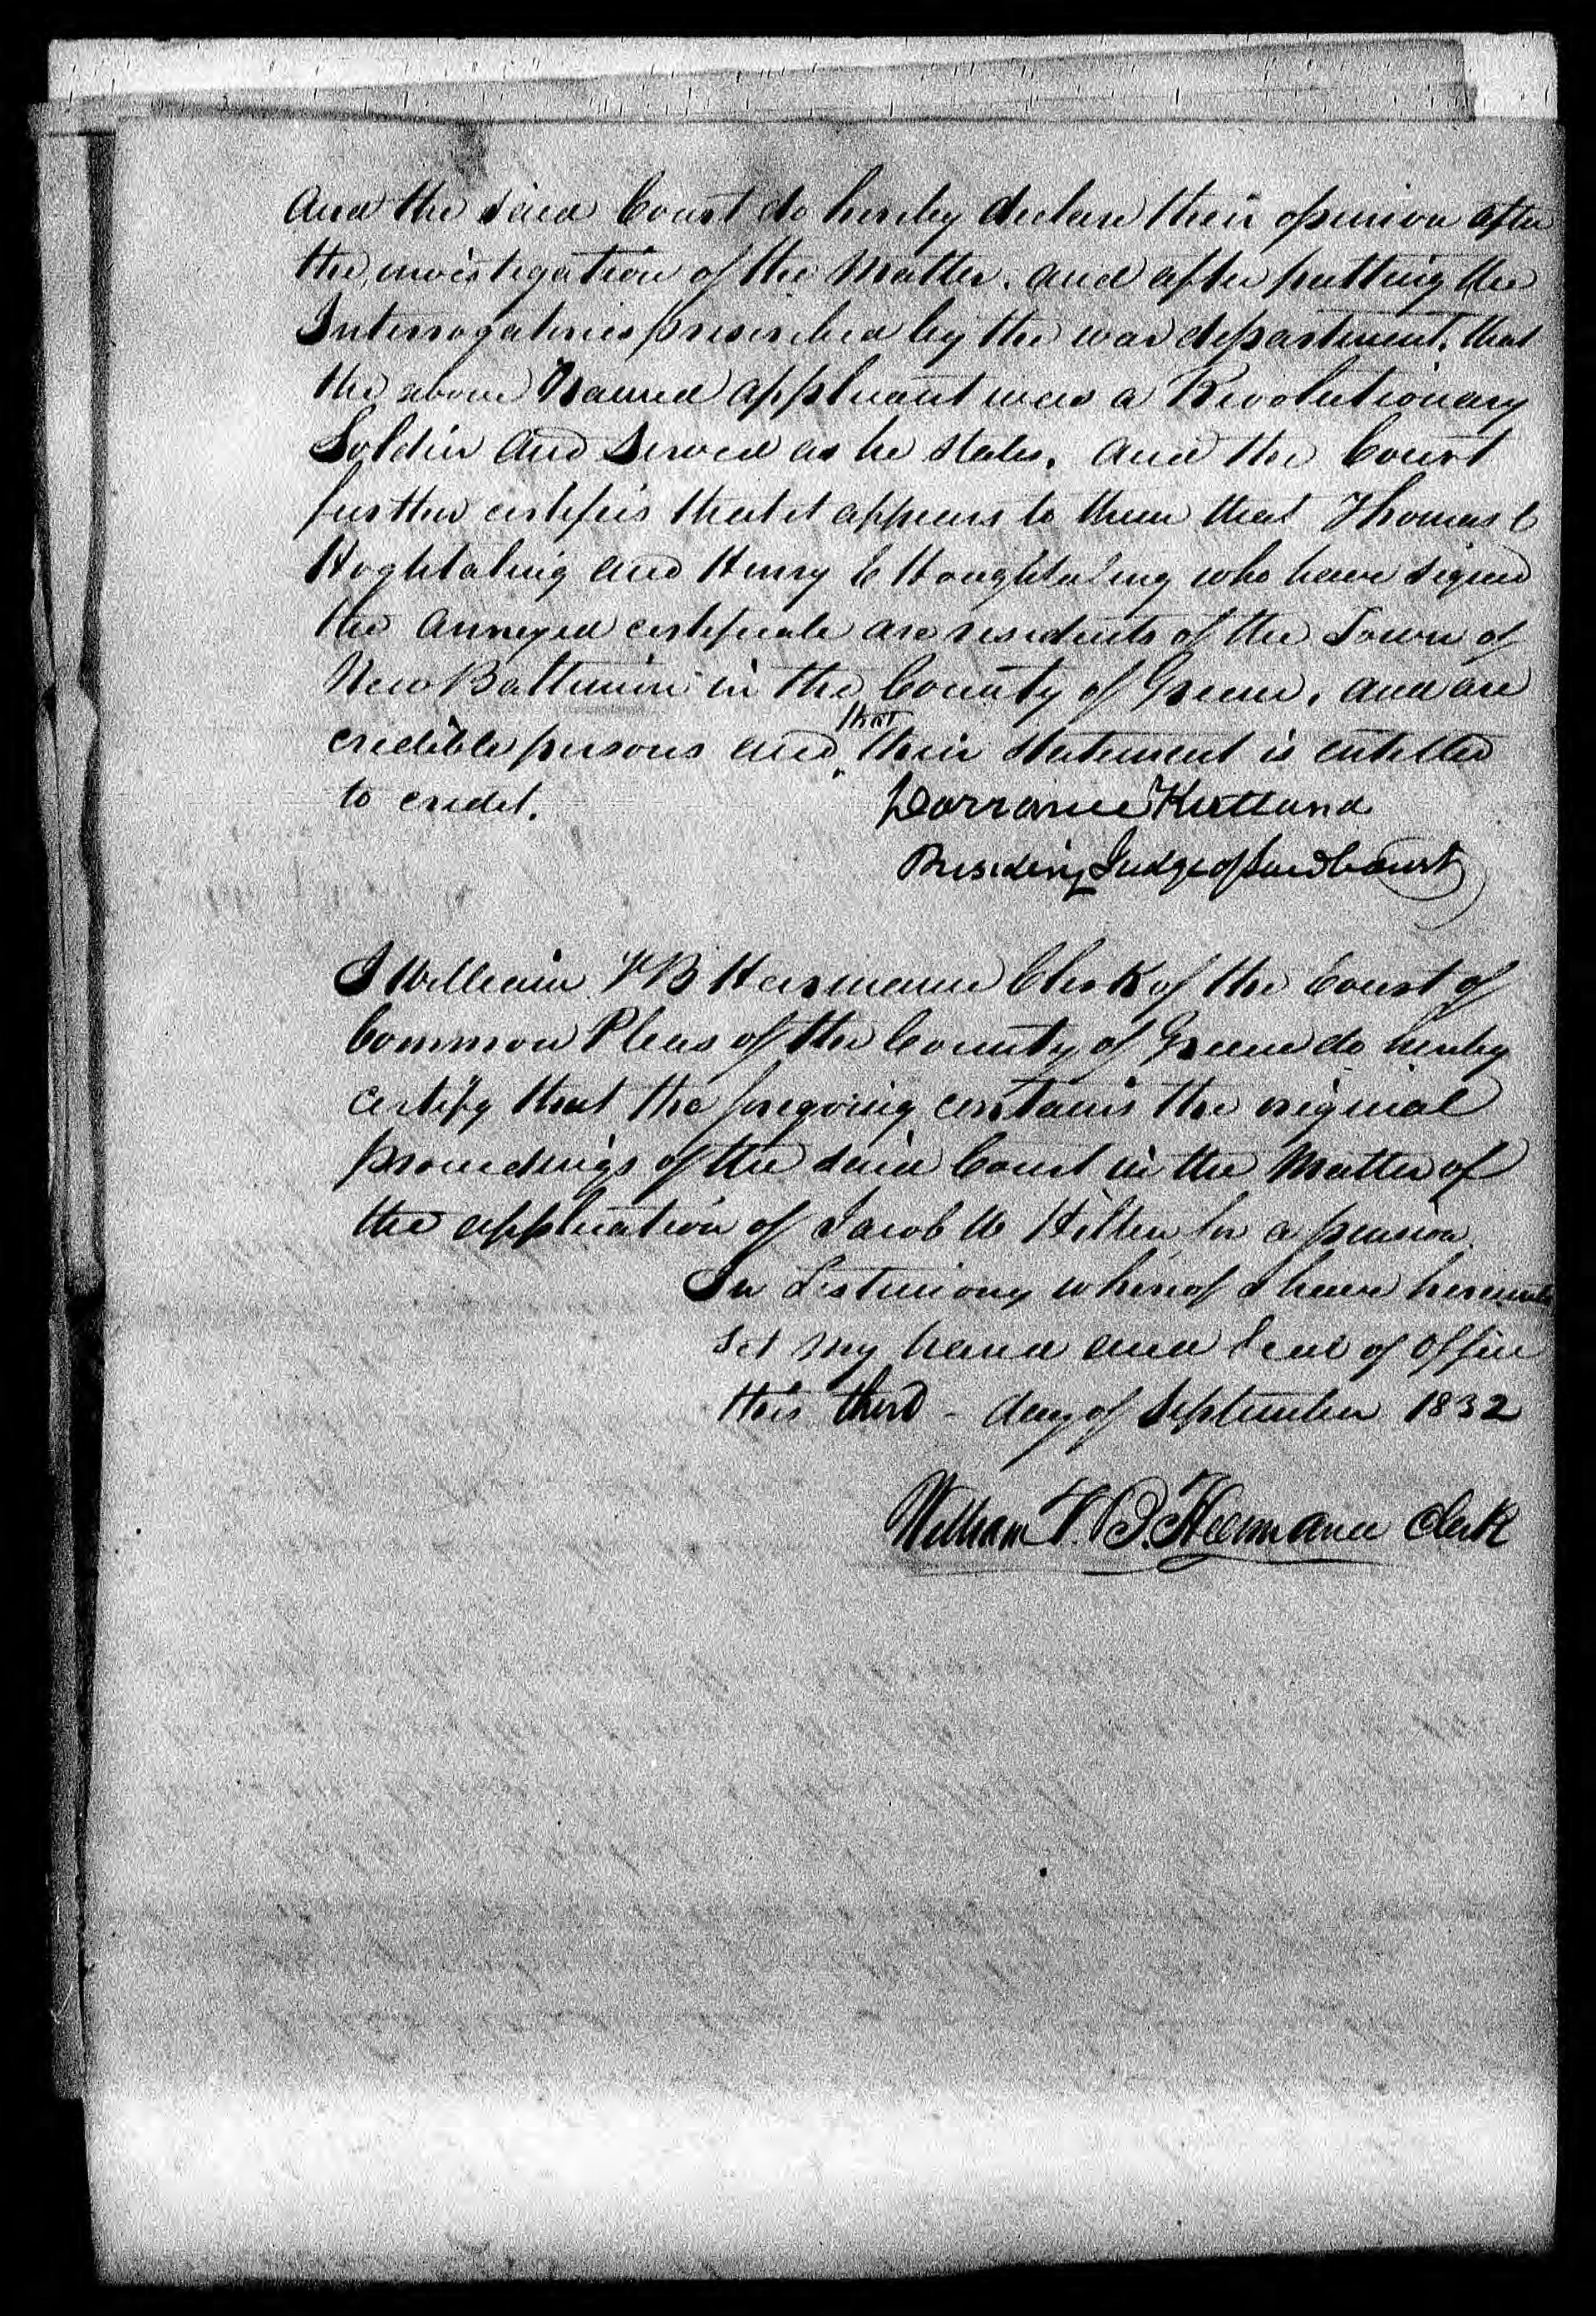Hilton, Jacob W.       W. 19788
Hilton, Mary

And the said Court do hereby declare their opinion after
the investigation of the matter, and after putting the Interrogatories prescribed by the war department that the above named applicant was a Revolutionary Soldier and Served as he states. And the Court further certifies that it appears to them that Thomas C. Hoghtaling and Henry Houghtaling who have Signed the Annexed certificate are residents of the Town of New Baltimore in the County of Greene, and are credible persons and that their statement is entitled to credit.

Darrance Kertland
Presiding Judge of Said Court

I William V B Heermance Clerk of the Court of Common Pleas of the County of Greene do hereby certify that the foregoing contains the original proceedings of the Said Court in the Matter of the application of Jacob W Hilten in a person.

In Listening whereof I have herewith set my hand and Seal of Office this third day of September 1832

William V B Heermance Clerk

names: William V B Heermance, Thomas C Hoghtaling, Henry C Houghtaling, Darrance Kertland, Jacob W Hilten, William V B Heermance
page: 6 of 48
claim: widow's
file: W. 19788, Jacob W Hilton, New York